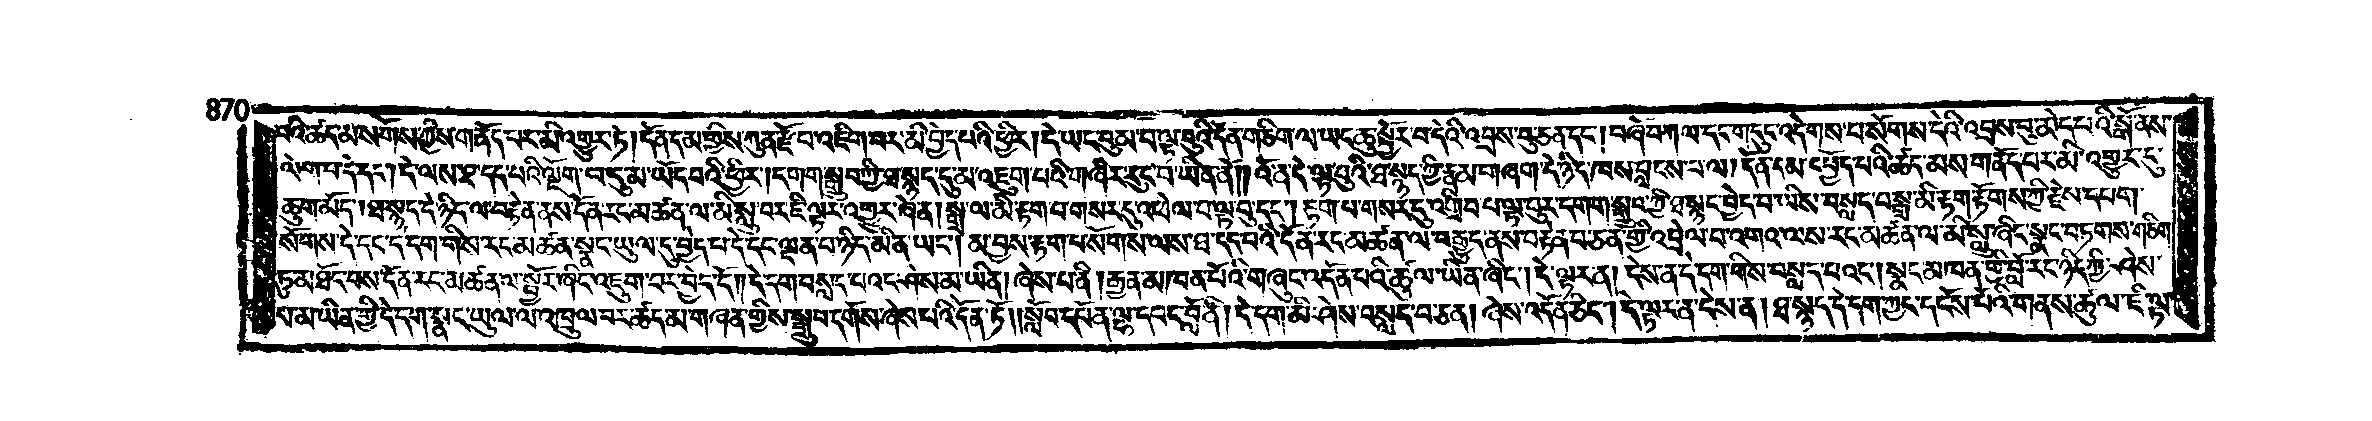བའི་ཚད་མ་སོགས་ཀྱིས་གནོད་པར་མི་འགྱུར་ཏེ། དོན་དམ་གྱིས་ཀུན་རྫོབ་འཇིག་པར་མི་བྱེད་པའི་ཕྱིར། དེ་ཡང་བུམ་པ་ལྟ་བུའི་དོན་གཅིག་ལ་ཡང་ཆུ་སྐྱོར་བ་དེའི་འབྲས་བུ་ཅན་དང་། བཞོ་བཀལ་དང་གདུང་འདེགས་པ་སོགས་དེའི་འབྲས་བུ་མེད་པའི་སྒོ་ནས་
ལེག་པ་དེ་དང་། དེ་ལས་ཐ་དད་པའི་ལྡོག་པ་དུ་མ་ཡོད་པའི་ཕྱིར། དགག་སྒྲུབ་ཀྱི་ཐ་སྙད་དུ་མ་འཇུག་པའི་གཞིར་རུང་བ་ཡིན་ནོ། །འོ་ན་དེ་ལྟ་བུའི་ཐ་སྙད་ཀྱི་རྣམ་གཞག་དེ་ཉིད་ཁས་བླངས་པ་ལ། དོན་དམ་དཔྱོད་པའི་ཚད་མས་གནོད་པར་མི་འགྱུར་དུ་
ཆུག་མོད། ཐ་སྙད་དེ་ཉིད་ལ་བརྟེན་ནས་དོན་རང་མཚན་ལ་མི་སླུ་བར་ཇི་ལྟར་འགྱུར་ཞེ་ན། སྒྲ་ལ་མི་རྟག་པ་གསར་དུ་འཕེལ་བ་ལྟ་བུ་དང་། རྟག་པ་གསར་དུ་འགྲིབ་པ་ལྟ་བུར་དགག་སྒྲུབ་ཀྱི་ཐ་སྙད་བྱེད་པ་ཡིས་བསླད་པ་སྒྲ་མི་རྟག་རྟོགས་ཀྱི་རྗེས་དཔག་
སོགས་དེ་དང་དེ་དག་གིས་རང་མཚན་སྣང་ཡུལ་དུ་བྱེད་པ་དེ་དང་ལྡན་པ་ཉིད་མིན་ཡང་། མ་བྱས་རྟག་པ་སོགས་ལས་ཐ་དད་པའི་དོན་རང་མཚན་ལ་བརྒྱུད་ནས་བརྟེན་པ་ཅན་གྱི་འབྲེལ་བ་འགའ་ལས་རང་མཚན་ལ་མི་སླུ་ཞིང་སྣང་བཏགས་གཅིག་
ཏུ་མཐོང་བས་དོན་རང་མཚན་ལ་སྦྱོར་ཞིང་འཇུག་པར་བྱེད་དོ། །དེ་དག་བསླད་པའང་ཤེས་མ་ཡིན། ཞེས་པ་ནི། རྒྱན་མཁན་པོའི་གཞུང་འདོན་པའི་ཚུལ་ཡིན་ཞིང་། དེ་ལྟར་ན། དེས་ན་དེ་དག་གིས་བསླད་པའང་། སྣང་མཁན་གྱི་བློ་རང་ཉིད་ཀྱི་ཤེས་
པ་མ་ཡིན་གྱི་དེ་དག་སྣང་ཡུལ་ལ་འཁྲུལ་བར་ཚད་མ་གཞན་གྱིས་སྒྲུབ་དགོས་ཞེས་པའི་དོན་ཏོ། །སློབ་དཔོན་ལྷ་དབང་བློ་ནི། དེ་དག་མི་ཤེས་བསླད་པ་ཅན། ཞེས་འདོན་ཅིང་། དེ་ལྟར་ན་དེས་ན། ཐ་སྙད་དེ་དག་ཀྱང་དངོས་པོའི་གནས་ཚུལ་ཇི་ལྟ་